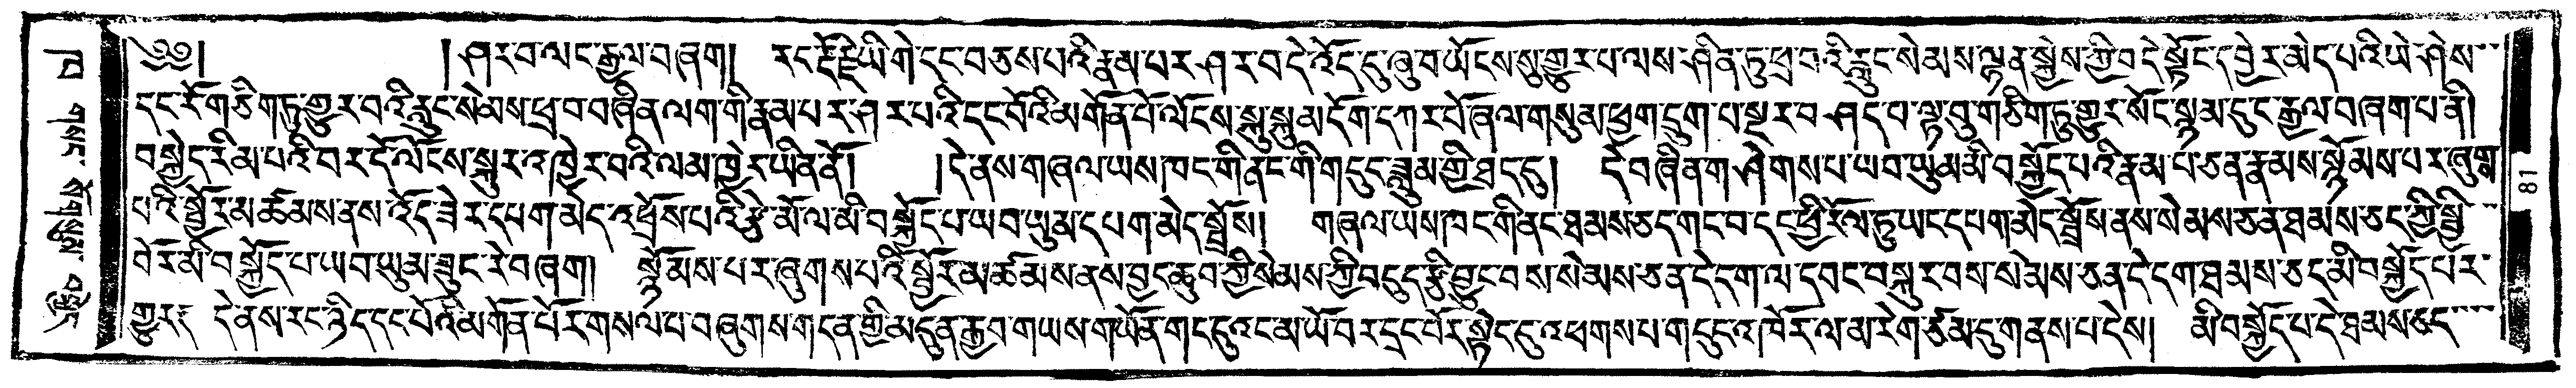༄༅། །ཤར་བ་ལང་རྒྱལ་བཞག། རང་རྡོ་རྗེ་ཡི་གེ་དང་བཅས་པའི་རྣམ་པར་ཤར་བ་དེ་འོད་དུ་ཞུ་བ་ཡོངས་སུ་གྱུར་པ་ལས་ཤིན་ཏུ་ཕྲ་བའི་རླུང་སེམས་ལྷན་སྐྱེས་ཀྱི་བདེ་སྟོང་དབྱེར་མེད་པའི་ཡེ་ཤེས་
དང་རོ་གཅིག་ཏུ་གྱུར་བའི་རླུང་སེམས་ཕྲ་བ་བཞིན་ལག་གི་རྣམ་པར་ཤར་པའི་དང་པོའི་མགོན་པོ་ལོངས་སྐུ་སྐུ་མདོག་དཀར་པོ་ཞལ་གསུམ་ཕྱག་དྲུག་པ་སྔར་བཤད་པ་ལྟ་བུ་གཅིག་ཏུ་གྱུར་སོང་སྙམ་དུ་ང་རྒྱལ་བཞག་པ་ནི།
བསྐྱེད་རིམ་པའི་བར་དོ་ལོངས་སྐུར་འཁྱེར་བའི་ལམ་ཁྱེར་ཡིན་ནོ། །དེ་ནས་གཞལ་ཡས་ཁང་གི་ནང་གི་གདུང་ཟླུམ་གྱི་ཐད་དུ། དེ་བཞིན་གཤེགས་པ་ཡབ་ཡུམ་མི་བསྐྱོད་པའི་རྣམ་པ་ཅན་རྣམས་སྙོམས་པར་ཞུགས་
པའི་སྦྱོར་མཚམས་ནས་འོད་ཟེར་དཔག་མེད་འཕྲོས་པའི་རྩེ་མོ་ལ་མི་བསྐྱོད་པ་ཡབ་ཡུམ་དཔག་མེད་སྤྲོས། གཞལ་ཡས་ཁང་གི་ནང་ཐམས་ཅད་གང་བ་དང་ཕྱི་རོལ་ཏུ་ཡང་དཔག་མེད་སྤྲོས་ནས་སེམས་ཅན་ཐམས་ཅད་ཀྱི་སྤྱི་
བོར་མི་བསྐྱོད་པ་ཡབ་ཡུམ་ཟུང་རེ་བཞག། སྙོམས་པར་ཞུགས་པའི་སྦྱོར་མཚམས་ནས་བྱང་ཆུབ་ཀྱི་སེམས་ཀྱི་བདུད་རྩི་བྱུང་བས་སེམས་ཅན་དེ་དག་ལ་དབང་བསྐུར་བས་སེམས་ཅན་དེ་དག་ཐམས་ཅད་མི་བསྐྱོད་པར་
གྱུར༑ དེ་ནས་རང་ཉིད་དང་པོའི་མགོན་པོར་གསལ་པ་བཞུགས་གདན་གྱི་མདུན་རྒྱབ་གཡས་གཡོན་གང་དུའང་མ་ཡོ་བར་དྲང་པོར་སྟེང་དུ་འཕགས་པ་གདུང་འཁོར་ལ་མ་རེག་ཙམ་དུ་གནས་པ་དེས། མི་བསྐྱོད་པ་དེ་ཐམས་ཅད་